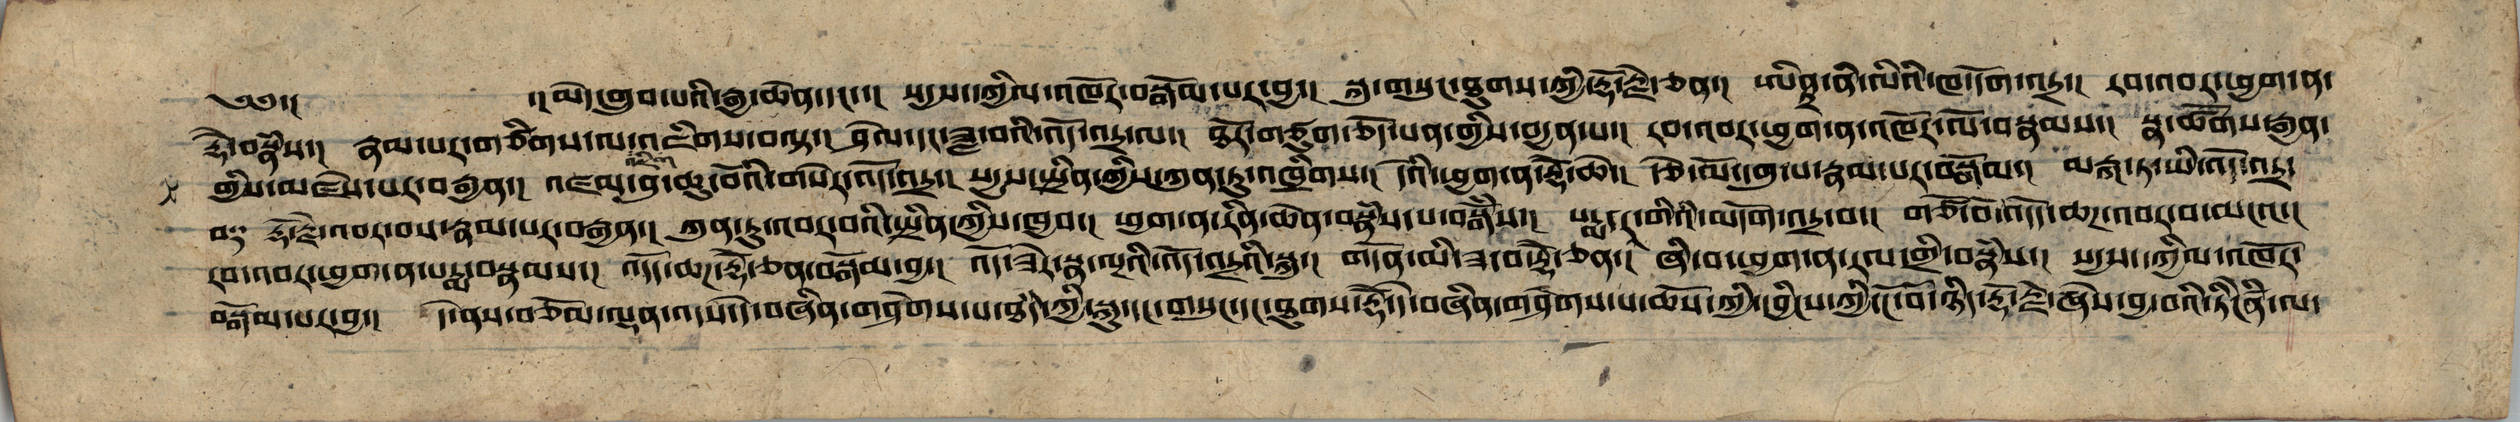༄༅་། ་།མེད་གྲུབ་པའི་རྒྱ་ཆེན་དང་་། སདྱས་དཀྱིལ་འཁོར་བསྒོམ་པར་བྱ་། སྐུ་གསུང་ཐུགས་ཀྱི་རྡོ་རྗེ་ཅན་། ཨིནྟྲ་ནི་ལིའི་ཁ་དོག་འདྲ་། རབ་འབར་ཕྱག་ན་
རྡོེ་བསྣཾས་། རྣམ་པར་གཙིགས་ལ་འཇིག་འཇིགས་བལྟ་། ཤེལ་དང་ཟླ་བའི་འོད་འདྲ་ལ་། ཐོར་གཙུག་ཅོད་པན་གྱིས་བདྱན་པ་། རབ་འབར་ཕྱག་ན་འཁོར་ལོ་བསྣམས་། སྣ་ཚོགས་རྒྱན་
གྱིས་མཛེས་པར་བརྒྱན་། འཛམ་བུ་ཆུ་བོའི་གསེར་འོད་འདྲ་། སདྱས་སྤྲིན་གྱིས་ཀུན་ཏུ་འཁྲིགས་། དེའི་ཕྱག་ན་རྡོེ་ཆེ་། རྩེ་མོ་དགུ་པ་རྣམ་པར་བསྒོམ་། མརྒ་ཏ་ཡི་འོད་འདྲ་
བ༑ རྡོ་རྗེ་འབར་བས་རྣམ་པར་བརྒྱན་། ཀུན་ཏུ་འབར་བའི་སྤྲིན་ཀྱིས་ཁྱབ་། ཕྱག་ན་རིན་ཆེན་བསྣཾས་པ་བསྒོཾས་། པདྨ་ར་གིའི་མདོག་འདྲ་བ་། གཙོ་བོ་འདོད་ཆཌ་འབར་བ་མངའ་།
རབ་འབར་ཕྱག་ན་པདྨ་བསྣམས་། འདོད་ཆཌ་རྡོེ་ཅན་བསྒོམ་བྱ་། འོད་ཟེར་སྣ་ལྔའི་འོད་འདྲའི་སྐུ་། གདོན་མི་ཟ་བ་རྡོེ་ཅན་། ཞི་བ་ཕྱག་ན་རལ་གྲི་བསྣཾས་། སདྱས་དཀྱིལ་འཁོར་
བསྒོམ་པར་བྱ་། དེ་ནས་བཅོམ་ལྡན་འདས་དེ་བཞིན་གཤེགས་པ་་ཐཾད་ཀྱི་སྐུ་དང་གསུང་དང་ཐུགས་རྡོེ་དེ་བཞིན་གཤེགས་པ་ཆོས་ཀྱི་དབྱིངས་ཀྱི་ངོ་བོ་ཉིད་རྡོ་རྗེ་ཞེས་བྱ་བའི་ཏིངེཛིན་ལ་